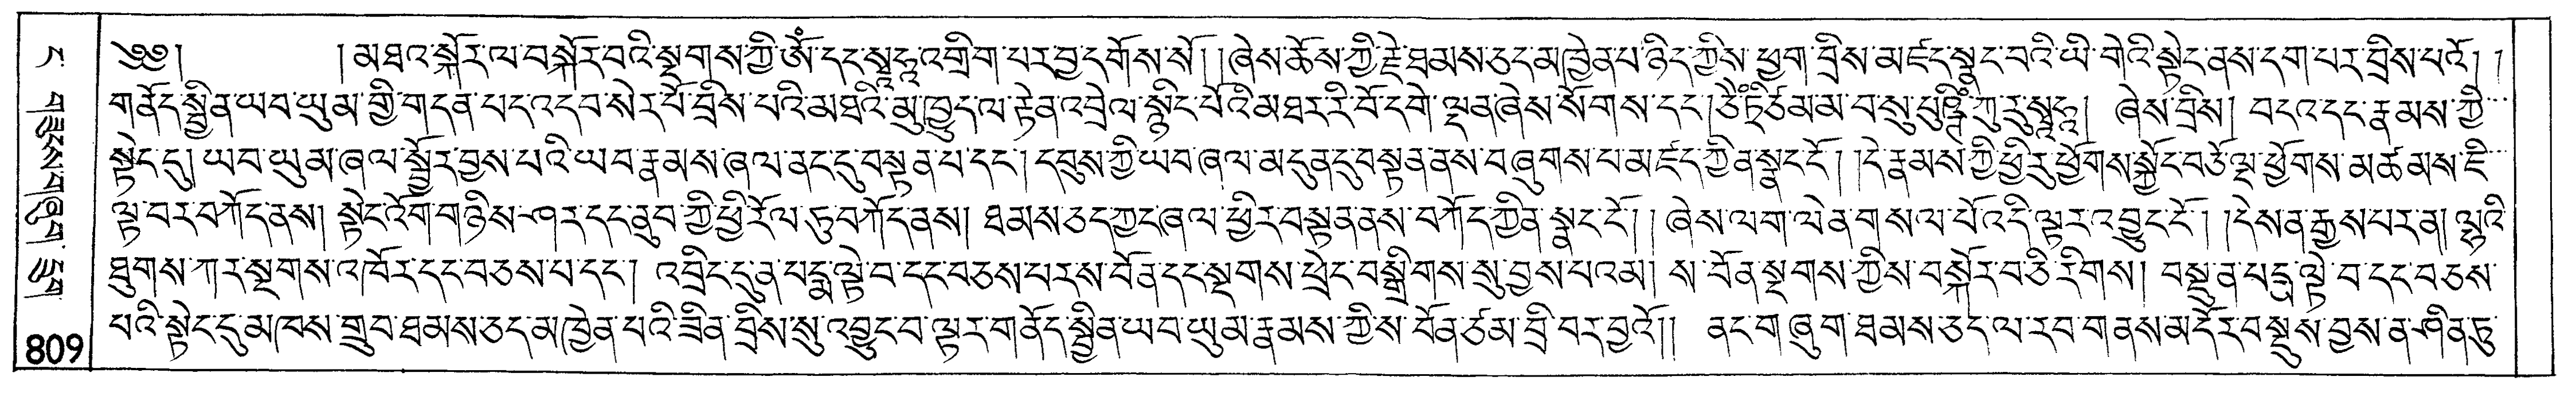༄༅། །མཐའ་སྐོར་ལ་བསྐོར་བའི་སྔགས་ཀྱི་ཨོཾ་དང་སྭཱཧཱ་འགྲིག་པར་བྱ་དགོས་སོ། །ཞེས་ཆོས་ཀྱི་རྗེ་ཐམས་ཅད་མཁྱེན་པ་ཉིད་ཀྱིས་ཕྱག་བྲིས་མཛད་སྣང་བའི་ཡི་གེའི་སྟེང་ནས་དག་པར་བྲིས་པའོ། །
གནོད་སྦྱིན་ཡབ་ཡུམ་གྱི་གདན་པད་འདབ་སེར་པོ་བྲིས་པའི་མཐའི་མུ་ཁྱུད་ལ་རྟེན་འབྲེལ་སྙིང་པོའི་མཐར་རི་བོ་དགེ་ལྡན་ཞེས་སོགས་དང་། ཅཻཾ་ཏྲི་ཙམ་མ་བ་སུ་པུཥྚིཾ་ཀུ་རུ་སྭཱཧཱ། ཞེས་བྲིས། བདའ་དང་རྣམས་ཀྱི་
སྟེང་དུ། ཡབ་ཡུམ་ཞལ་སྦྱོར་བྱས་པའི་ཡབ་རྣམས་ཞལ་ནང་དུ་བསྟན་པ་དང་། དབུས་ཀྱི་ཡབ་ཞལ་མདུན་དུ་བསྟན་ནས་བཞུགས་པ་མཛད་ཀྱི་ན་སྣང་ངོ། །དེ་རྣམས་ཀྱི་ཕྱི་རུ་ཕྱོགས་སྐྱོང་བཅོ་ལྔ་ཕྱོགས་མཚམས་ཇི་
ལྟ་བར་བཀོད་ནས། སྟེང་འོག་གཉིས་ཤར་དང་ནུབ་ཀྱི་ཕྱི་རོལ་ཏུ་བཀོད་ནས། ཐམས་ཅད་ཀྱང་ཞལ་ཕྱིར་བསྟན་ནས་བཀོད་ཀྱིན་སྣང་ངོ། །ཞེས་ལག་ལེན་གསལ་པོ་འདི་ལྟར་འབྱུང་ངོ། །དེས་ན་རྒྱས་པར་ན། ལྷའི་
ཐུགས་ཀར་སྔགས་འཁོར་དང་བཅས་པ་དང་། འབྲིང་དུ་ན་པདམ་ལྟེ་བ་དང་བཅས་པར་ས་བོན་དང་སྔགས་ཕྲེང་བསྒྲིགས་སུ་བྱས་པའམ། ས་བོན་སྔགས་ཀྱིས་བསྐོར་བ་ཅི་རིགས། བསྡུ་ན་པདམ་ལྟེ་བ་དང་བཅས་
པའི་སྟེང་དུ་མཁས་གྲུབ་ཐམས་ཅད་མཁྱེན་པའི་ཟིན་བྲིས་སུ་འབྱུང་བ་ལྟར་གནོད་སྦྱིན་ཡབ་ཡུམ་རྣམས་ཀྱི་ས་བོན་ཙམ་བྲི་བར་བྱའོ། །ནང་གཞུག་ཐམས་ཅད་ལ་རབ་གནས་མདོར་བསྡུས་བྱས་ན་ཤིན་ཏུ་